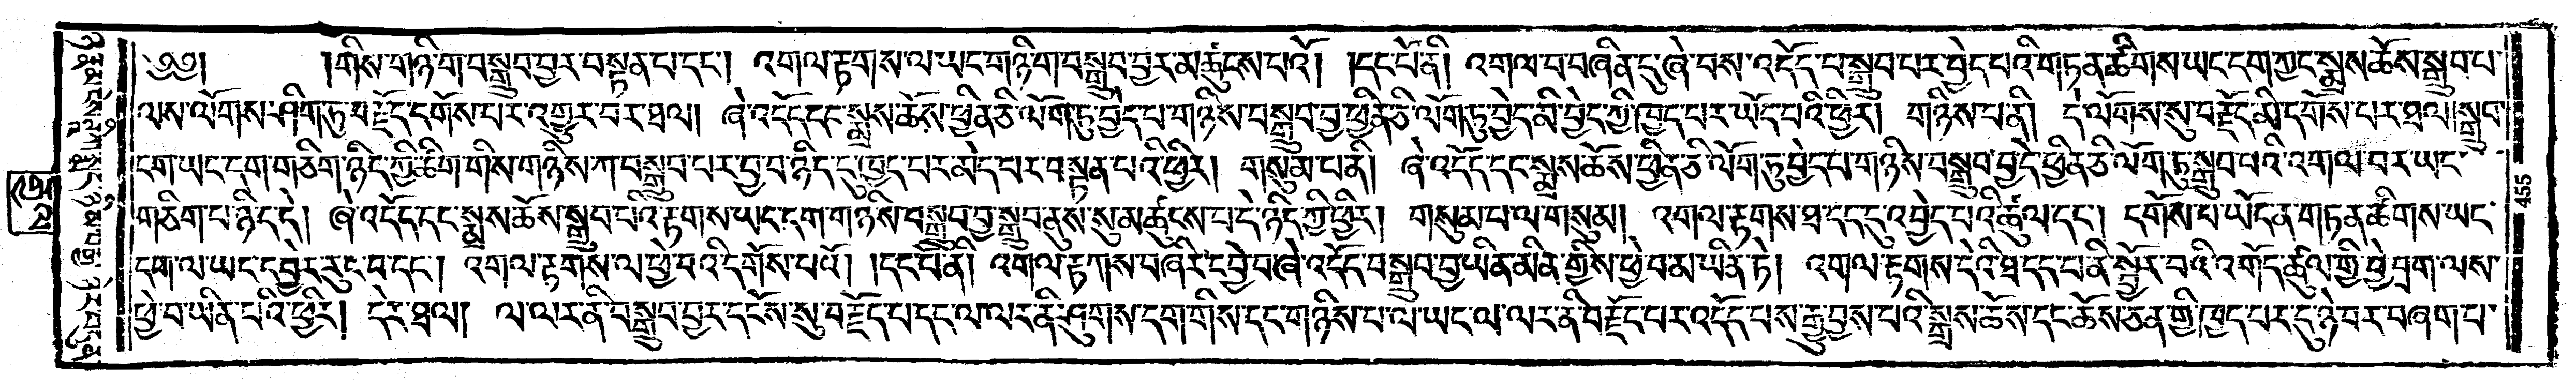༄༅། །གིས་གཉི་ག་བསྒྲུབ་བྱར་བསྟན་པ་དང་། འགལ་རྟགས་ལ་ཡང་གཉི་ག་བསྒྲུབ་བྱར་མཚུངས་པའོ། །དང་པོ་ནི། འགལ་བ་བཞིན་དུ་ཞེ་བས་འདོད་པ་སྒྲུབ་པར་བྱེད་པའི་གཏན་ཚིགས་ཡང་དག་ཀྱང་སྨྲས་ཆོས་སྒྲུབ་པ་
ལས་ལོགས་ཤིག་ཏུ་བརྗོད་དགོས་པར་འགྱུར་བར་ཐལ། ཞེ་འདོད་དང་སྨྲས་ཆོས་ཕྱིན་ཅི་ལོག་ཏུ་བྱེད་པ་གཉིས་བསྒྲུབ་བྱ་ཕྱིན་ཅི་ལོག་ཏུ་བྱེད་མི་བྱེད་ཀྱི་ཁྱད་པར་ཡོད་པའི་ཕྱིར། གཉིས་པ་ནི། དེ་ལོགས་སུ་བརྗོད་མི་དགོས་པར་ཐལ། སྒྲུབ་
དག་ཡང་དག་གཅིག་ཉིད་ཀྱི་ཚིག་གིས་གཉིས་ཀ་བསྒྲུབ་པར་བྱ་བ་ཉིད་དུ་ཁྱད་པར་མེད་པར་བསྟན་པའི་ཕྱིར། གསུམ་པ་ནི། ཞེ་འདོད་དང་སྨྲས་ཆོས་ཕྱིན་ཅི་ལོག་ཏུ་བྱེད་པ་གཉིས་བསྒྲུབ་བྱ་དེ་ཕྱིན་ཅི་ལོག་ཏུ་སྒྲུབ་པའི་འགལ་བར་ཡང་
གཅིག་པ་ཉིད་དེ། ཞེ་འདོད་དང་སྨྲས་ཆོས་སྒྲུབ་པའི་རྟགས་ཡང་དག་གཉིས་བསྒྲུབ་བྱ་སྒྲུབ་ནུས་སུ་མཚུངས་པ་དེ་ཉིད་ཀྱི་ཕྱིར། གསུམ་པ་ལ་གསུམ། འགལ་རྟགས་ཐ་དད་དུ་འབྱེད་པའི་ཚུལ་དང་། དགོས་པ་ཡོད་ན་གཏན་ཚིགས་ཡང་
དག་ལ་ཡང་དབྱེར་རུང་བ་དང་། འགལ་རྟགས་ལ་ཕྱེ་བའི་དགོས་པའོ། །དང་པོ་ནི། འགལ་རྟགས་བཞིར་དབྱེ་བ་ཞེ་འདོད་བསྒྲུབ་བྱ་ཡིན་མིན་གྱིས་ཕྱེ་བ་མ་ཡིན་ཏེ། འགལ་རྟགས་དེའི་ཐ་དད་པ་ནི་སྦྱོར་བའི་འགོད་ཚུལ་གྱི་བྱེ་བྲག་ལས་
ཕྱེ་བ་ཡིན་པའི་ཕྱིར། དེར་ཐལ། ལ་ལར་ནི་བསྒྲུབ་བྱར་དངོས་སུ་བརྗོད་པ་དང་ལ་ལར་ནི་ཤུགས་དག་གིས་དང་གཉིས་པ་ལ་ཡང་ལ་ལར་ནི་བརྗོད་པར་འདོད་པས་རྒྱུ་བྱས་པའི་སྒྲས་ཆོས་དང་ཆོས་ཅན་གྱི་ཁྱད་པར་དུ་ཉེ་བར་བཞག་པ་